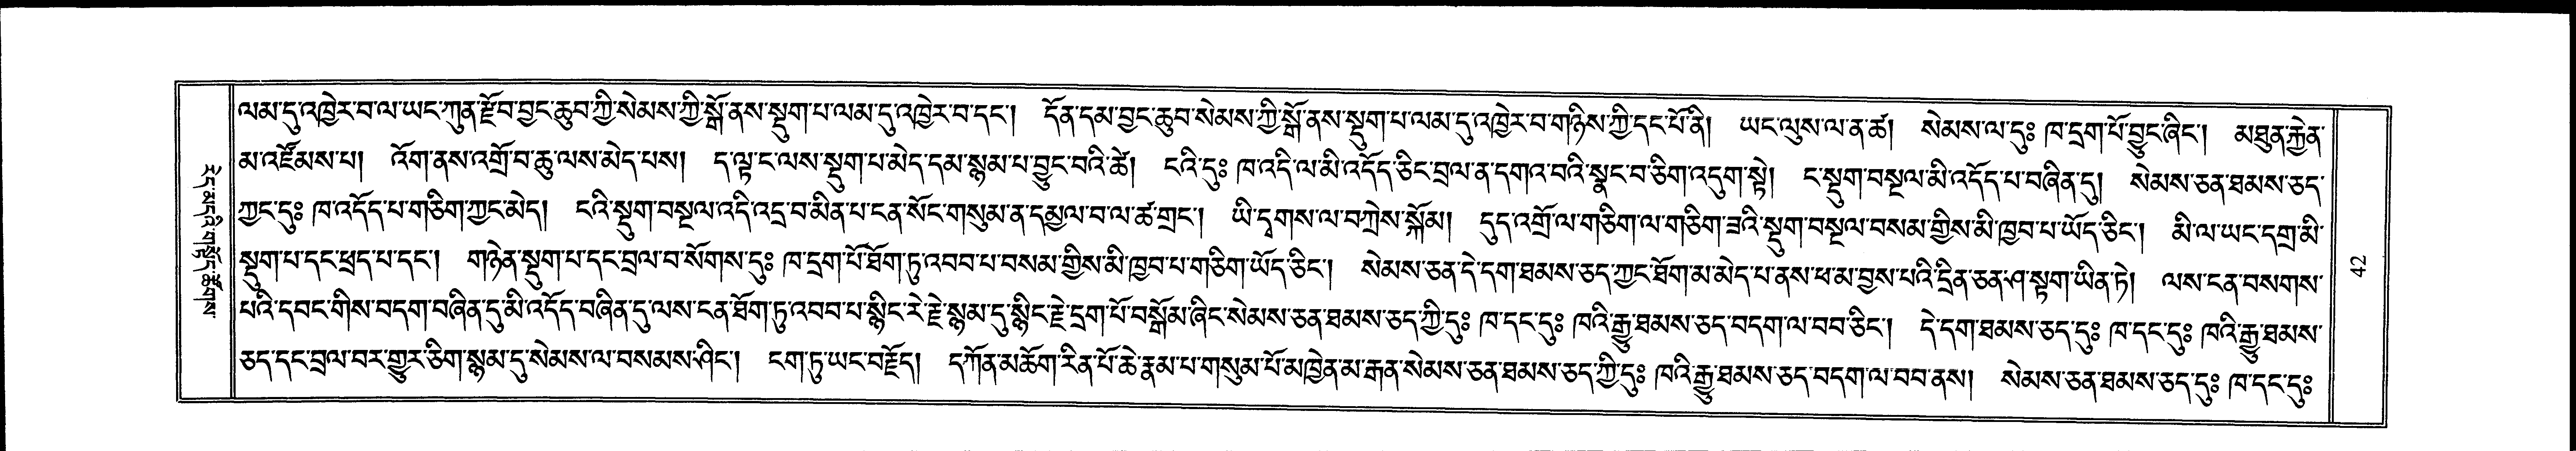ལམ་དུ་འཁྱེར་བ་ལ་ཡང་ཀུན་རྫོབ་བྱང་ཆུབ་ཀྱི་སེམས་ཀི་སྒོ་ནས་སྡུག་པ་ལམ་དུ་འཁྱེར་བ་དང་། དོན་དམ་བྱང་ཆུབ་སེམས་ཀྱི་སྒོ་ནས་སྡུག་པ་ལམ་དུ་འཁྱེར་བ་གཉིས་ཀྱི་དང་པོ་ནི། ཡང་ལུས་ལ་ན་ཚ། སེམས་ལ་དུཿ ཁ་དྲག་པོ་བྱུང་ཞིང་། མཐུན་རྐྱེན་
མ་འཛོམས་པ། འོག་ནས་འགྲོ་བ་ཆུ་ལས་མེད་པས། ད་ལྟ་ང་ལས་སྡུག་པ་མེད་དམ་སྙམ་པ་བྱུང་བའི་ཚེ། ངའི་དུཿ ཁ་འདི་ལ་མི་འདོད་ཅིང་བྲལ་ན་དགའ་བའི་སྣང་བ་ཅིག་འདུག་སྟེ། ང་སྡུག་བསྔལ་མི་འདོད་པ་བཞིན་དུ། སེམས་ཅན་ཐམས་ཅད་
ཀྱང་དུཿ ཁ་འདོད་པ་གཅིག་ཀྱང་མེད། ངའི་སྡུག་བསྔལ་འདི་འདྲ་བ་མིན་པ་ངན་སོང་གསུམ་ན་དམྱལ་བ་ལ་ཚ་གྲང་། ཡི་དྭགས་ལ་བཀྲེས་སྐོམ། དུད་འགྲོ་ལ་གཅིག་ལ་གཅིག་ཟའི་སྡུག་བསྔལ་བསམ་གྱིས་མི་ཁྱབ་པ་ཡོད་ཅིང་། མི་ལ་ཡང་དགྲ་མི་
སྡུག་པ་དང་ཕྲད་པ་དང་། གཉེན་སྡུག་པ་དང་བྲལ་བ་སོགས་དུཿ ཁ་དྲག་པོ་ཐོག་ཏུ་འབབ་པ་བསམ་གྱིས་མི་ཁྱབ་པ་གཅིག་ཡོད་ཅིང་། སེམས་ཅན་དེ་དག་ཐམས་ཅད་ཀྱང་ཐོག་མ་མེད་པ་ནས་ཕ་མ་བྱས་པའི་དྲིན་ཅན་ཤ་སྟག་ཡིན་ཏེ། ལས་ངན་བསགས་
པའི་དབང་གིས་བདག་བཞིན་དུ་མི་འདོད་བཞིན་དུ་ལས་ངན་ཐོག་ཏུ་འབབ་པ་སྙིང་རེ་རྗེ་སྙམ་དུ་སྙིང་རྗེ་དྲག་པོ་བསྒོམ་ཞིང་སེམས་ཅན་ཐམས་ཅད་ཀྱི་དུཿ ཁ་དང་དུཿ ཁའི་རྒྱུ་ཐམས་ཅད་བདག་ལ་བབ་ཅིང་། དེ་དག་ཐམས་ཅད་དུཿ ཁ་དང་དུཿ ཁའི་རྒྱུ་ཐམས་
ཅད་དང་བྲལ་བར་གྱུར་ཅིག་སྙམ་དུ་སེམས་ལ་བསམས་ཤིང་། ངག་ཏུ་ཡང་བརྗོད། དཀོན་མཆོག་རིན་པོ་ཆེ་རྣམ་པ་གསུམ་པོ་མཁྱེན་མ་རྒན་སེམས་ཅན་ཐམས་ཅད་ཀྱི་དུཿ ཁའི་རྒྱུ་ཐམས་ཅད་བདག་ལ་བབ་ནས། སེམས་ཅན་ཐམས་ཅད་དུཿ ཁ་དང་དུཿ